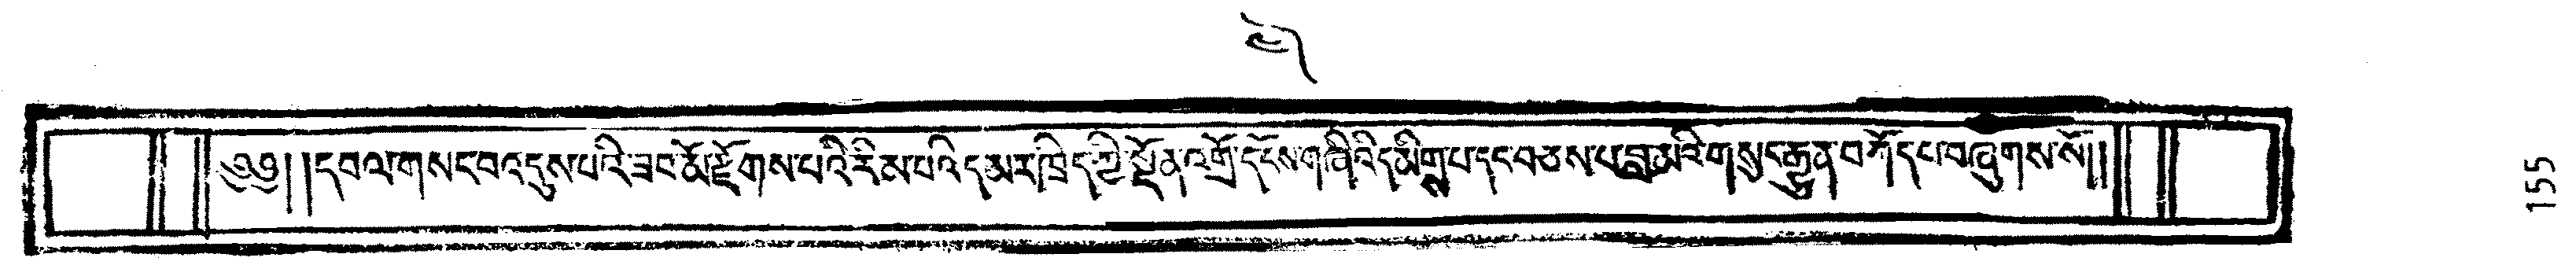༄༅། །དཔལ་གསང་བ་འདུས་པའི་ཟབ་མོ་རྫོགས་པའི་རིམ་པའི་དམར་ཁྲིད་ཀྱི་སྔོན་འགྲོ་དངོས་གཞིའི་དམིགས་པ་དང་བཅས་པ་བླ་མའི་གསུང་རྒྱུན་བཀོད་པ་བཞུགས་སོ།།